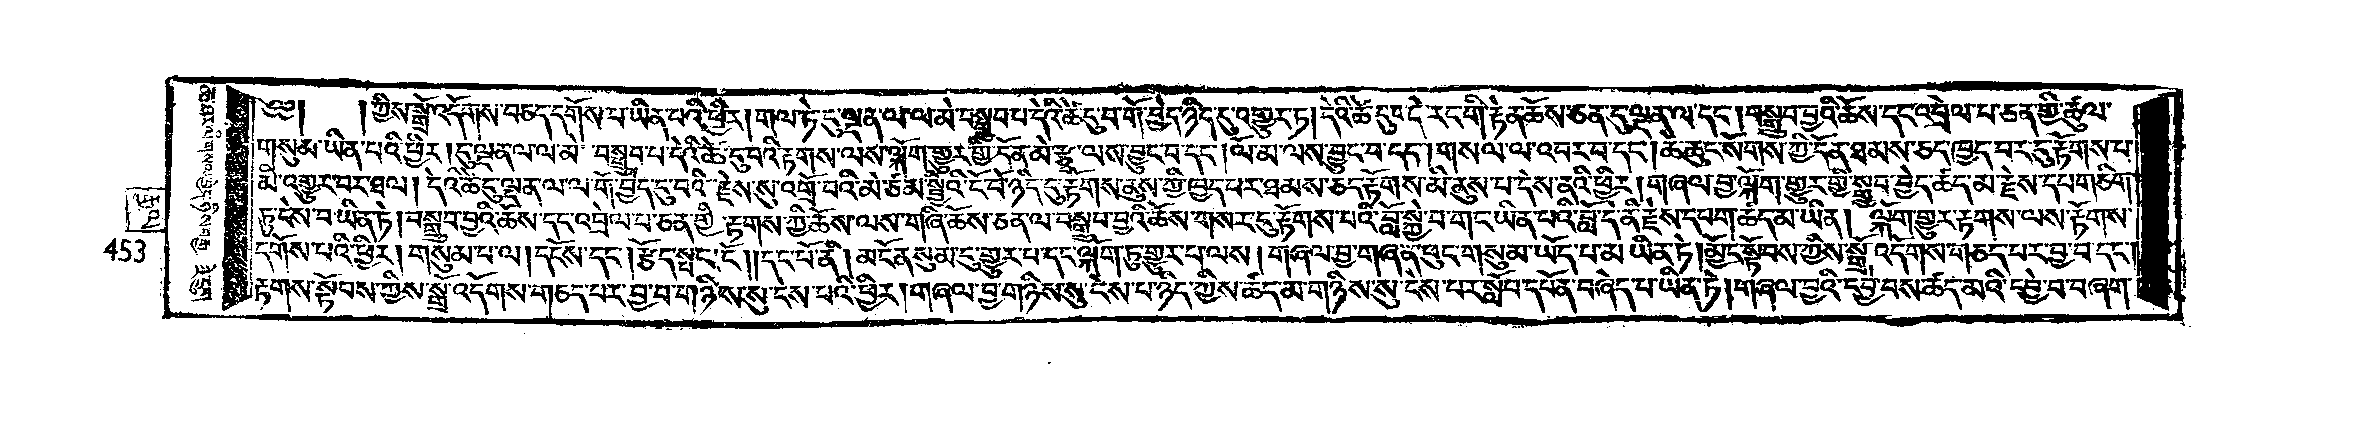༄༅། །ཀྱིས་སྒྲོ་འདོགས་བཅད་དགོས་པ་ཡིན་པའི་ཕྱིར། གལ་ཏེ་དུ་ལྡན་ལ་ལ་མེ་བསྒྲུབ་པ་དེའི་ཚེ་དུ་བ་གོ་བྱེད་ཉིད་དུ་འགྱུར་ཏ། དེའི་ཚེ་དུ་བ་དེ་རང་གི་རྟེན་ཆོས་ཅན་དུ་ལྡན་ལ་དང་། བསྒྲུབ་བྱའི་ཆོས་དང་འབྲེལ་པ་ཅན་གྱི་ཚུལ་
གསུམ་ཡིན་པའི་ཕྱིར། དུ་ལྡན་ལ་ལ་མེ་བསྒྲུབ་པ་དེའི་ཚེ་དུ་བའི་རྟགས་ལས་ལྐོག་གྱུར་གྱི་དོན་མེ་རྩྭ་ལས་བྱུང་བ་དང་། ལོ་མ་ལས་བྱུང་བ་དང་། གསལ་ལ་འབར་བ་དང་། ཆེ་ཆུང་སོགས་ཀྱི་དོན་ཐམས་ཅད་ཁྱད་པར་དུ་རྟོགས་པ་
མི་འགྱུར་བར་ཐལ། དེའི་ཚེ་དུ་ལྡན་ལ་ལ་གོ་བྱེད་དུ་བའི་རྗེས་སུ་འགྲོ་བའི་མེ་ཙམ་སྤྱིའི་ངོ་བོ་ཉིད་དུ་རྟོགས་ནུས་ཀྱི་ཁྱད་པར་ཐམས་ཅད་རྟོགས་མི་ནུས་པ་དེས་ནའི་ཕྱིར། གཞལ་བྱ་ལྐོག་གྱུར་གྱི་སྒྲུབ་བྱེད་ཚད་མ་རྗེས་དཔག་གཅིག་
ཏུ་ངེས་པ་ཡིན་ཏེ། བསྒྲུབ་བྱའི་ཆོས་དང་འབྲེལ་པ་ཅན་གྱི་རྟགས་ཀྱི་ཆོས་ལས་གཞི་ཆོས་ཅན་ལ་བསྒྲུབ་བྱའི་ཆོས་གསར་དུ་རྟོགས་པའི་བློ་སྐྱེ་བ་གང་ཡིན་པའི་བློ་དེ་ནི་རྗེས་དཔག་ཚད་མ་ཡིན། ལྐོག་གྱུར་རྟགས་ལས་རྟོགས་
དགོས་པའི་ཕྱིར། གསུམ་པ་ལ། དངོས་དང་། རྩོད་སྤང་ངོ། །དང་པོ་ནི། མངོན་སུམ་དུ་གྱུར་པ་དང་ལྐོག་ཏུ་གྱུར་པ་ལས། གཞལ་བྱ་གཞན་ཕུང་གསུམ་ཡོད་པ་མ་ཡིན་ཏེ། མྱོང་སྟོབས་ཀྱིས་སྒྲོ་འདོགས་གཅད་པར་བྱ་བ་དང་།
རྟགས་སྟོབས་ཀྱིས་སྒྲོ་འདོགས་གཅད་པར་བྱ་བ་གཉིས་སུ་ངེས་པའི་ཕྱིར། གཞལ་བྱ་གཉིས་སུ་ངེས་པ་ཉིད་ཀྱིས་ཚད་མ་གཉིས་སུ་ངེས་པར་སློབ་དཔོན་བཞེད་པ་ཡིན་ཏེ། གཞལ་བྱའི་དབྱེ་བས་ཚད་མའི་དབྱེ་བ་བཞག་